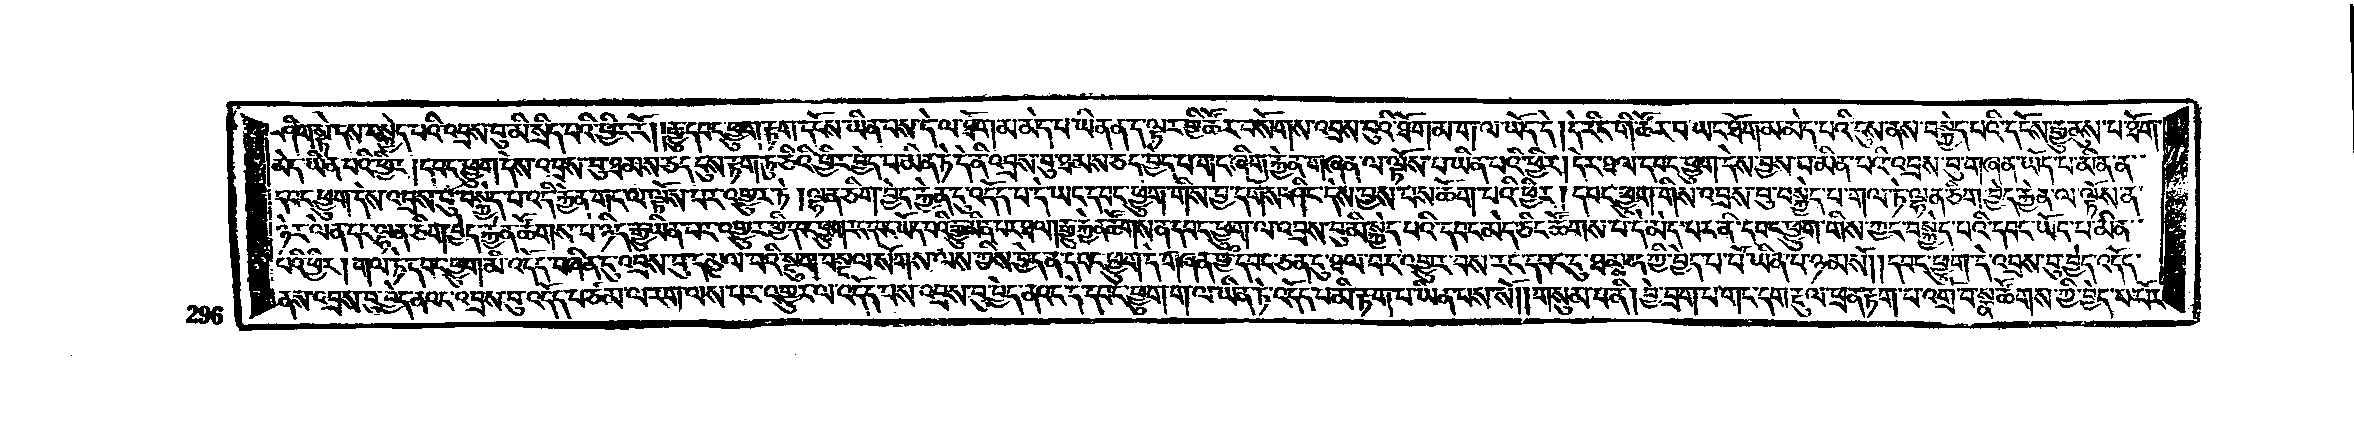ཤིག་སྟ་དེས་བསྐྱེད་པའི་འབྲས་བུ་མི་སྲིད་པའི་ཕྱིར་རོ། །རྒྱུ་དབང་ཕྱུག་རྟག་དངོས་ཡིན་པས་དེ་ལ་ཐོག་མ་མེད་པ་ཡིན་ན་ད་ལྟར་གྱི་ཚོར་བ་སོགས་འབྲས་བུའི་ཐོག་མ་ག་ལ་ཡོད་དེ། དེ་རིང་གི་ཚོར་བ་ཡང་ཐོག་མ་མེད་པའི་དུས་ནས་བསྐྱེད་པའི་དངོས་རྒྱུ་ནུས་པ་ཐོག་
མེད་ཡིན་པའི་ཕྱིར། དབང་ཕྱུག་དེས་འབྲས་བུ་ཐམས་ཅད་དུས་རྟག་ཏུ་ཅིའི་ཕྱིར་བྱེད་པ་མིན་ཏེ་དེ་ནི་འབྲས་བུ་ཐམས་ཅད་བྱེད་པ་གང་ཞིག་རྐྱེན་གཞན་ལ་ལྟོས་པ་ཡིན་པའི་ཕྱིར། དེར་ཐལ་དབང་ཕྱུག་དེས་བྱས་པ་མིན་པའི་འབྲས་བུ་གཞན་ཡོད་པ་མིན་ན་
དབང་ཕྱུག་དེས་འབྲས་བུ་བསྐྱེད་པ་འདི་རྐྱེན་གང་ལ་ལྟོས་པར་འགྱུར་ཏེ། ལྷན་ཅིག་བྱེད་རྐྱེན་དུ་འདོད་པ་དེ་ཡང་དབང་ཕྱུག་གིས་བྱ་དགོས་ཤིང་དེས་བྱས་པས་ཆོས་པའི་ཕྱིར། དབང་ཕྱུག་གིས་འབྲས་བུ་བསྐྱེད་པ་གལ་ཏེ་ལྷན་ཅིག་བྱེད་རྐྱེན་ལ་ལྟོས་ན་
ཉེར་ལེན་དང་ལྷན་ཅིག་བྱེད་རྐྱེན་ཚོགས་པ་ཉིད་རྒྱུ་ཡིན་པར་འགྱུར་གྱི་དབང་ཕྱུག་རང་དབང་ཡོད་པའི་རྒྱུ་མིན་པར་ཐལ། རྒྱུ་རྐྱེན་ཚོགས་ན་དབང་ཕྱུག་ལ་འབྲས་བུ་མི་སྐྱེད་པའི་དབང་མེད་ཅིང་ཚོགས་པ་དེ་མེད་པར་ནི་དབང་ཕྱུག་གིས་ཀྱང་བསྐྱེད་པའི་དབང་ཡོད་པ་མིན་
པའི་ཕྱིར། གལ་ཏེ་དབང་ཕྱུག་མི་འདོད་བཞིན་དུ་འབྲས་བུ་དམྱལ་བའི་སྡུག་བསྔལ་སོགས་ལས་ཀྱིས་བྱེད་ན་དབང་ཕྱུག་དེ་གཞན་གྱི་དབང་ཅན་དུ་ཐལ་བར་འགྱུར་བས་རང་དབང་དུ་ཐམས་ཅད་ཀྱི་བྱེད་པ་པོ་ཡིན་པ་ཉམས་སོ། །དབང་ཕྱུག་དེ་འབྲས་བུ་བྱེད་འདོད་
ནས་འབྲས་བུ་བྱེད་ནའང་འབྲས་བུ་འདོད་པ་ཙམ་ལ་རག་ལས་པར་འགྱུར་ལ་འདོད་པས་འབྲས་བུ་བྱེད་ནའང་དེ་དབང་ཕྱུག་ག་ལ་ཡིན་ཏེ་འདོད་པ་མི་རྟག་པ་ཡིན་པས་སོ། །གསུམ་པ་ནི། བྱེ་བྲག་པ་གང་དག་རྡུལ་ཕྲན་རྟག་པ་འགྲོ་བ་སྣ་ཚོགས་ཀྱི་བྱེད་པ་པོར་